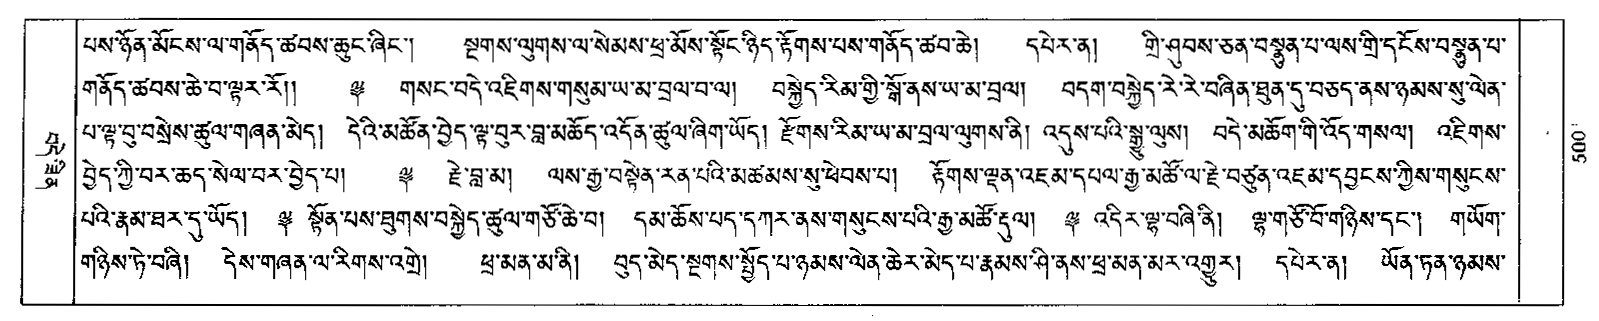པས་ཉོན་མོངས་ལ་གནོད་ཚབས་ཆུང་ཞིང་། སྔགས་ལུགས་ལ་སེམས་ཕྲ་མོས་སྟོང་ཉིད་རྟོགས་པས་གནོད་ཚབ་ཆེ། དཔེར་ན། གྲི་ཤུབས་ཅན་བསྣུན་པ་ལས་གྲི་དངོས་བསྣུན་པ་
གནོད་ཚབས་ཆེ་བ་ལྟར་རོ།། ༈ གསང་བདེ་འཇིགས་གསུམ་ཡ་མ་བྲལ་བ་ལ། བསྐྱེད་རིམ་གྱི་སྒོ་ནས་ཡ་མ་བྲལ། བདག་བསྐྱེད་རེ་རེ་བཞིན་ཐུན་དུ་བཅད་ནས་ཉམས་སུ་ལེན་
པ་ལྟ་བུ་བསྲེས་ཚུལ་གཞན་མེད། དེའི་མཚོན་བྱེད་ལྟ་བུར་བླ་མཆོད་འདོན་ཚུལ་ཞིག་ཡོད། རྫོགས་རིམ་ཡ་མ་བྲལ་ལུགས་ནི། འདུས་པའི་སྒྱུ་ལུས། བདེ་མཆོག་གི་འོད་གསལ། འཇིགས་
བྱེད་ཀྱི་བར་ཆད་སེལ་བར་བྱེད་པ། ༈ རྗེ་བླ་མ། ལས་རྒྱ་བསྟེན་རན་པའི་མཚམས་སུ་ཕེབས་པ། རྟོགས་ལྡན་འཇམ་དཔལ་རྒྱ་མཚོ་ལ་རྗེ་བཙུན་འཇམ་དབྱངས་ཀྱིས་གསུངས་
པའི་རྣམ་ཐར་དུ་ཡོད། ༈ སྟོན་པས་ཐུགས་བསྐྱེད་ཚུལ་གཙོ་ཆེ་བ། དམ་ཆོས་པད་དཀར་ནས་གསུངས་པའི་རྒྱ་མཚོ་རྡུལ། ༈ འདིར་ལྷ་བཞི་ནི། ལྷ་གཙོ་བོ་གཉིས་དང་། གཡོག་
གཉིས་ཏེ་བཞི། དེས་གཞན་ལ་རིགས་འགྲེ། ཕྲ་མན་མ་ནི། བུད་མེད་སྔགས་སྤྱོད་པ་ཉམས་ལེན་ཆེར་མེད་པ་རྣམས་ཤི་ནས་ཕྲ་མན་མར་འགྱུར། དཔེར་ན། ཡོན་ཏན་ཉམས་